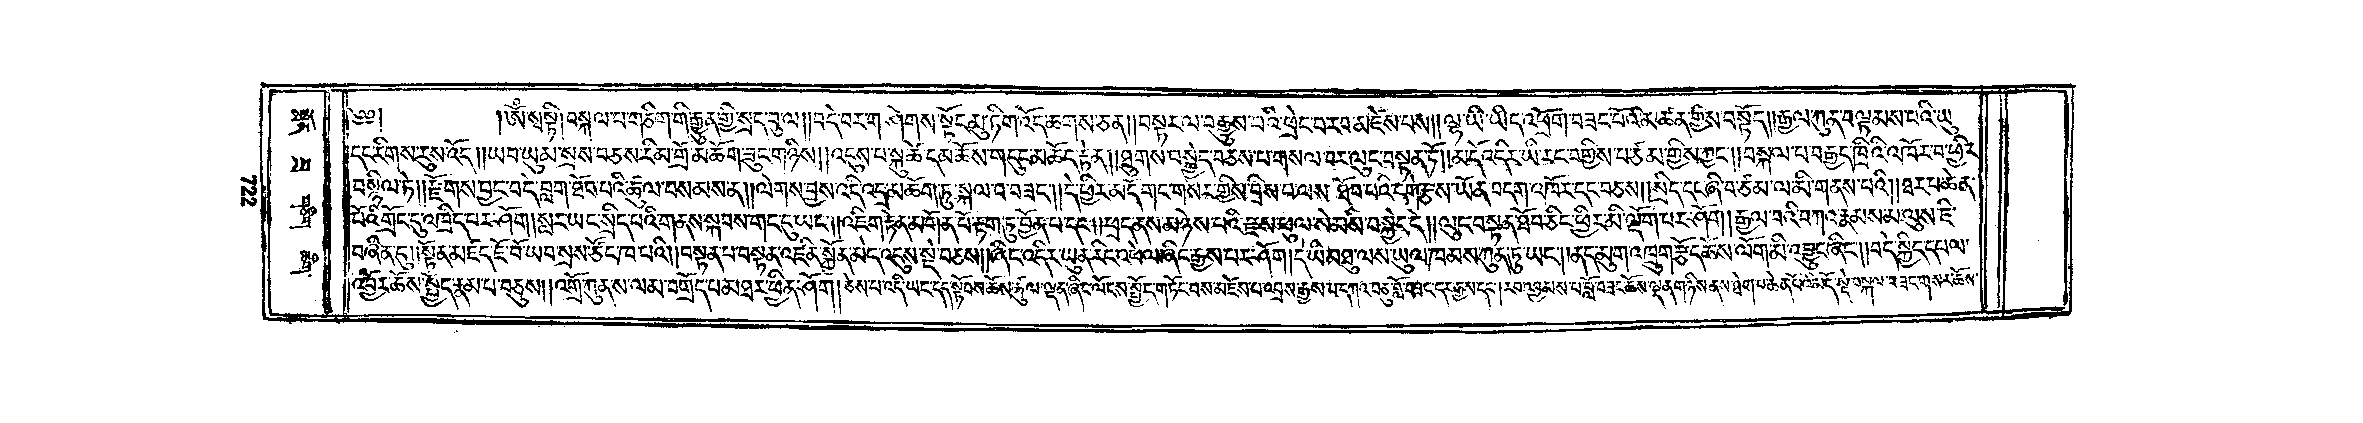༄༅། །ཨོཾ་སྭ་སྟི། བསྐལ་པ་གཅིག་གི་རྒྱུན་གྱི་སྲད་བུ་ལ། །བདེ་བར་གཤེགས་སྟོང་མུ་ཏིག་འོད་ཆགས་ཅན། །བསྟར་ལ་བརྒྱུས་པའི་ཕྲེང་བར་བ་མཛེས་པས། །ལྷ་ཡི་ཡིད་འཕྲོག་བཟང་པོའི་མཚན་གྱིས་བསྟོད། །རྒྱལ་ཀུན་བལྟམས་པའི་ཡུ་
དང་རིགས་རུས་འོད། །ཡབ་ཡུམ་སྲས་བཅས་རིམ་གྲོ་མཆོག་ཟུང་གཉིས། །འདུས་པ་སྐུ་ཚེ་དམ་ཆོས་གདུང་མཆོད་རྟེན། །ཐུགས་བསྐྱེད་བཅས་པ་གསལ་བར་ལུང་བསྟན་ཏོ། །མདོ་འདིར་ཡི་རང་བགྱིས་པ་ཙམ་གྱིས་ཀྱང་། །བསྐལ་པ་བརྒྱད་ཁྲིའི་འཁོར་བ་ཕྱིར་
བསྙིལ་ཏེ། །རྫོགས་བྱང་བདེ་བླག་ཐོབ་པའི་ཚུལ་བསམས་ན། །ལེགས་བྱས་འདི་འདྲ་མཆོག་ཏུ་སྐལ་བ་བཟང་། །དེ་ཕྱིར་མདོ་གང་གསར་གྱིས་བྲིས་པ་ལས་ཐོབ་པའི་དགེ་རྩས་ཡོན་བདག་འཁོར་དང་བཅས། །སྲིད་དང་ཞི་བ་ཙམ་ལ་མི་གནས་པའི། །ཐར་པ་ཆེན་
པོའི་གྲོང་དུ་འཁྲིད་པར་ཤོག །སླར་ཡང་སྲིད་པའི་གནས་སྐབས་གང་དུ་ཡང་། །འཇིག་རྟེན་མགོན་པོ་རྟག་ཏུ་བྱོན་པ་དང་། །ཕྲད་ནས་མཉེས་པའི་རྫས་ཕུལ་སེམས་བསྐྱེད་དེ། །ལུང་བསྟན་ཐོབ་ཅིང་ཕྱིར་མི་ལྡོག་པར་ཤོག །རྒྱལ་བའི་བཀའ་རྣམས་མ་ལུས་ཇི་
བཞིན་དུ། །སྟོན་མཛད་ཇོ་བོ་ཡབ་སྲས་ཙོང་ཁ་པའི། །བསྟན་པ་བསྟན་འཛིན་སྐྱོན་མེད་འདུས་སྡེ་བཅས། །ཞིང་འདིར་ཡུན་རིང་འཕེལ་ཞིང་རྒྱས་པར་ཤོག །དེ་ཡི་མཐུ་ལས་ཡུལ་ཁམས་ཀུན་ཏུ་ཡང་། །ནད་མུག་འཁྲུག་རྩོད་ཆོས་ལོག་མི་འབྱུང་ཞིང་། །བདེ་སྐྱིད་དཔལ་
འབྱོར་ཆོས་སྤྱོད་རྣམ་པ་བཅུས། །འགྲོ་ཀུན་ས་ལམ་བགྲོད་པ་མཐར་ཕྱིན་ཤོག །ཅེས་པ་འདི་ཡང་དད་སྟོབས་ཆོས་ཚུལ་ལྡན་ཞིང་ལོངས་སྤྱོད་གཏོང་བས་མཛེས་པ་འབྲས་རྒྱས་པ་དཀའ་བཅུ་བློ་བཟང་དར་རྒྱས་དང་། རབ་འབྱམས་པ་བློ་བཟང་ཆོས་ལྡན་གཉིས་ནས་ཐེག་པ་ཆེན་པོའི་མདོ་སྡེ་བསྐལ་བཟང་གསར་ཆོས་